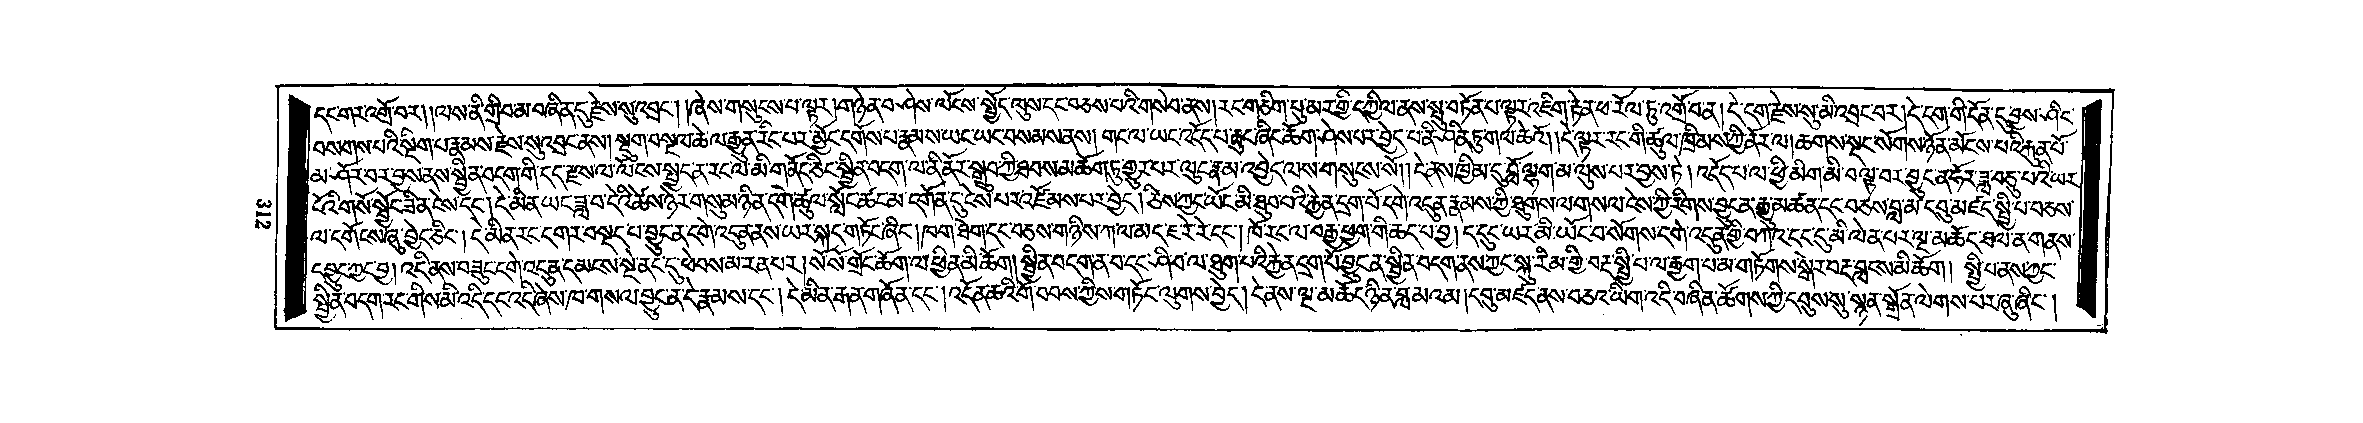དང་གར་འགྲོ་བར། །ལས་ནི་གྲིབ་མ་བཞིན་དུ་རྗེས་སུ་འབྲང་། །ཞེས་གསུངས་པ་ལྟར། གཉེན་བཤེས་ལོངས་སྤྱོད་ལུས་དང་བཅས་པའི་གསེབ་ནས། རང་གཅིག་པུ་མར་གྱི་དཀྱིལ་ནས་སྤུ་བཏོན་པ་ལྟར་འཇིག་རྟེན་ཕ་རོལ་ཏུ་འགྲོ་བ་ན། དེ་དག་རྗེས་སུ་མི་འབྲང་བར། དེ་དག་གི་དོན་དུ་བྱས་ཤིང་
བསགས་པའི་སྡིག་པ་རྣམས་རྗེས་སུ་འབྲང་ནས། སྡུག་བསྔལ་ཆེ་ལ་རྒྱུན་རིང་པར་མྱོང་དགོས་པ་རྣམས་ཡང་ཡང་བསམས་ནས། གང་ལ་ཡང་འདོད་པ་ཆུང་ཞིང་ཆོག་ཤེས་པར་བྱེད་པ་ནི་ཤིན་ཏུ་གལ་ཆེའོ། །དེ་ལྟར་རང་གི་ཚུལ་ཁྲིམས་ཀྱི་ནོར་ལ། ཆགས་སྡང་སོགས་ཉོན་མོངས་པའི་རྐུན་པོ་
མ་ཤོར་བར་བྱས་ནས་སྦྱིན་བདག་གི་དད་རྫས་ལ་ལོངས་སྤྱད་ན་རང་ལ་མི་གནོད་ཅིང་སྦྱིན་བདག་ལ་ནི་ནོར་སྒྲུབ་ཀྱི་ཐབས་མཆོག་ཏུ་གྱུར་པར་ལུང་རྣམ་འབྱེད་ལས་གསུངས་སོ། །དེ་ནས་ཁྱིམ་དུ་བློ་ལྷག་མ་ལུས་པར་བྱས་ཏེ། འདོད་པ་ལ་ཕྱི་མིག་མི་བལྟ་བར་བྱུང་ན་ཧོར་ཟླ་བཅུ་པའི་ཡར་
ངོའི་གསོ་སྦྱོང་ཟིན་ངེས་དང་། དེ་མིན་ཡང་ཟླ་བ་དེའི་ཚེས་ཉེར་གསུམ་ཉིན་དགེ་ཚུལ་སློང་ཚང་མ་དགོན་དུ་ངེས་པར་འཛོམས་པར་བྱེད། ཅིས་ཀྱང་ཡོང་མི་ཐུབ་པའི་རྐྱེན་དྲག་པོ་དགེ་འདུན་རྣམས་ཀྱི་ཐུགས་ལ་གསལ་ངེས་ཀྱི་རིགས་བྱུང་ན་རྒྱུ་མཚན་དང་བཅས་བླ་མ་དབུ་མཛད་སྤྱི་པ་བཅས་
ལ་དགོངས་ཞུ་བྱེད་ཅིང་། དེ་མིན་རང་དགར་བསྡད་པ་བྱུང་ན་དགེ་འདུན་ནས་ཡར་སྐད་གཏོང་ཞིང་། ཁག་ཐེག་དང་བཅས་གཉིས་ཀ་ལ་མད་ཇ་རེ་རེ་དང་། ཁོ་རང་ལ་བརྒྱ་ཕྱག་གི་ཆད་པ་བྱ། ད་དུང་ཡར་མི་ཡོང་བ་སོགས་དགེ་འདུན་གྱི་བཀའ་དང་དུ་མི་ལེན་པར་ལྔ་མཆོད་ཐལ་ན་གནས་
དབྱུང་ཀྱང་བྱ། འདི་ནས་བཟུང་དགེ་འདུན་དམངས་སྡེ་ནང་དུ་ཕེབས་མ་རན་པར། སོ་སོ་གྲོང་ཆོག་ལ་ཕྱིན་མི་ཆོག །སྦྱིན་བདག་ན་བ་དང་ཤི་བ་ལ་ཐུག་པའི་རྐྱེན་དྲག་པོ་བྱུང་ན་སྦྱིན་བདག་ནས་ཀྱང་སྐུ་རིམ་གྱི་བརྡ་སྤྱི་པ་ལ་རྒྱག་པ་མ་གཏོགས་སྒེར་བརྡ་བླངས་མི་ཆོག །སྤྱི་པ་ནས་ཀྱང་
སྦྱིན་བདག་རང་གིས་མི་འདི་དང་འདི་ཞེས་ཁ་གསལ་བྱུང་ན་དེ་རྣམས་དང་། དེ་མིན་རྒན་གཞོན་དང་། འདོན་ཆའི་གོ་བབས་ཀྱིས་གཏོང་ལུགས་བྱེད། དེ་ནས་ལྔ་མཆོད་ཉིན་བླ་མའམ། དབུ་མཛད་ནས་བཅའ་ཡིག་འདི་བཞིན་ཚོགས་ཀྱི་དབུས་སུ་སྙན་སྒྲོན་ལེགས་པར་ཞུ་ཞིང་།